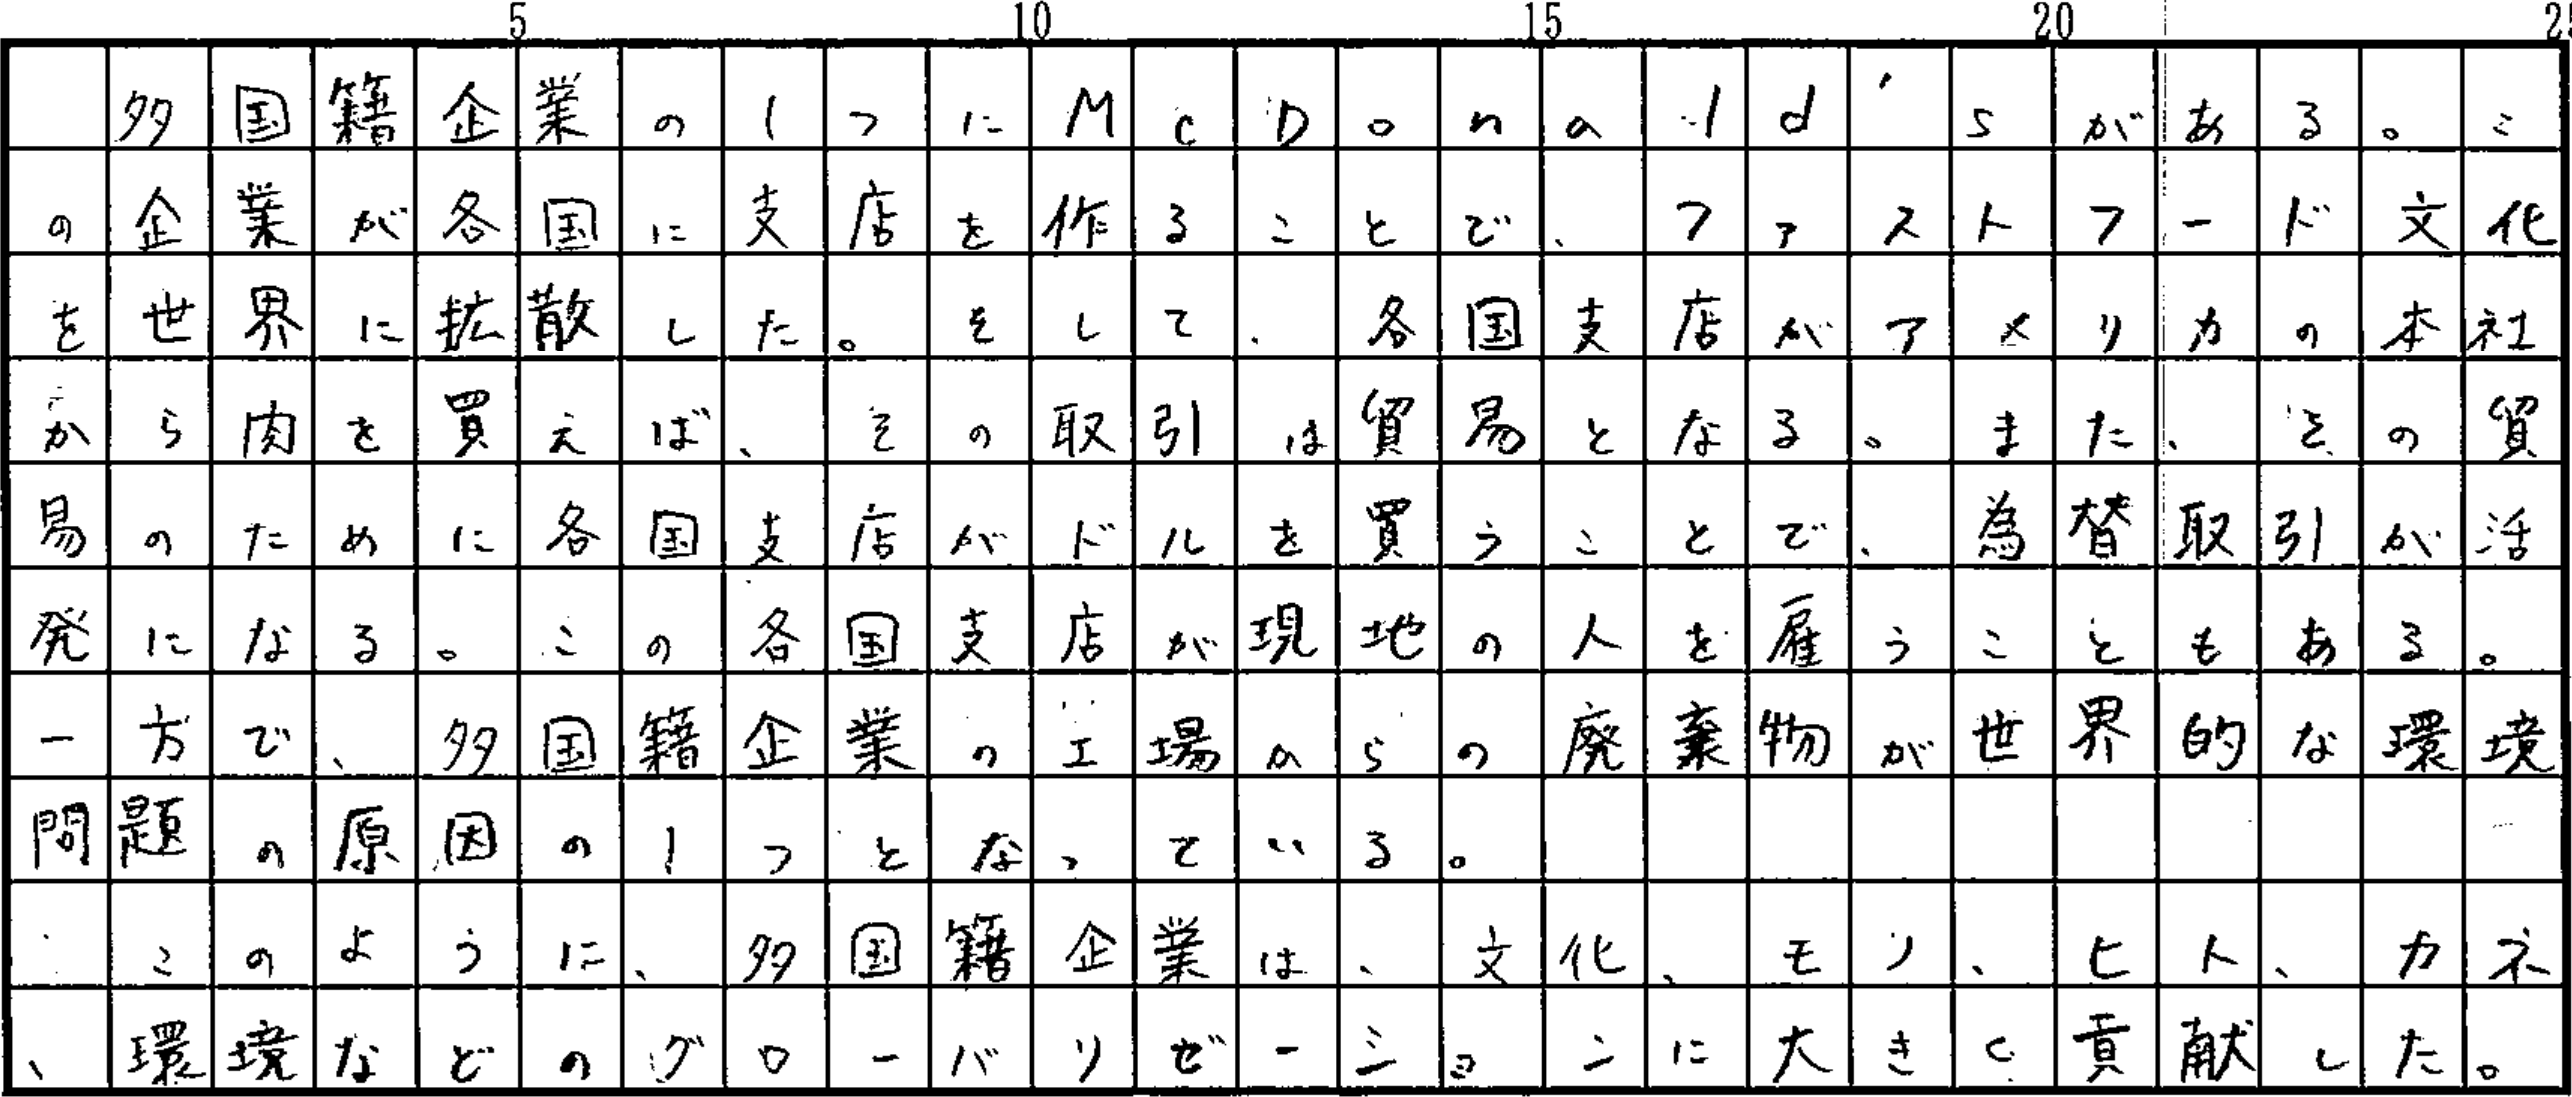　多国籍企業の１つにＭｃDｏｎａｌｄ’ｓがある。この企業が各国に支店を作ることで、ファストフード文化を世界に拡散した。そして、各国支店がアメリカの本社から肉を買えば、その取引は貿易となる。また、その貿易のために各国支店がドルを買うことで、為替取引が活発になる。この各国支店が現地の人を雇うこともある。一方で、多国籍企業の工場からの廃棄物が世界的な環境問題の原因の１つとなっている。
　このように、多国籍企業は、文化、モノ、ヒト、カネ、環境などのグローバリゼーションに大きく貢献した。
